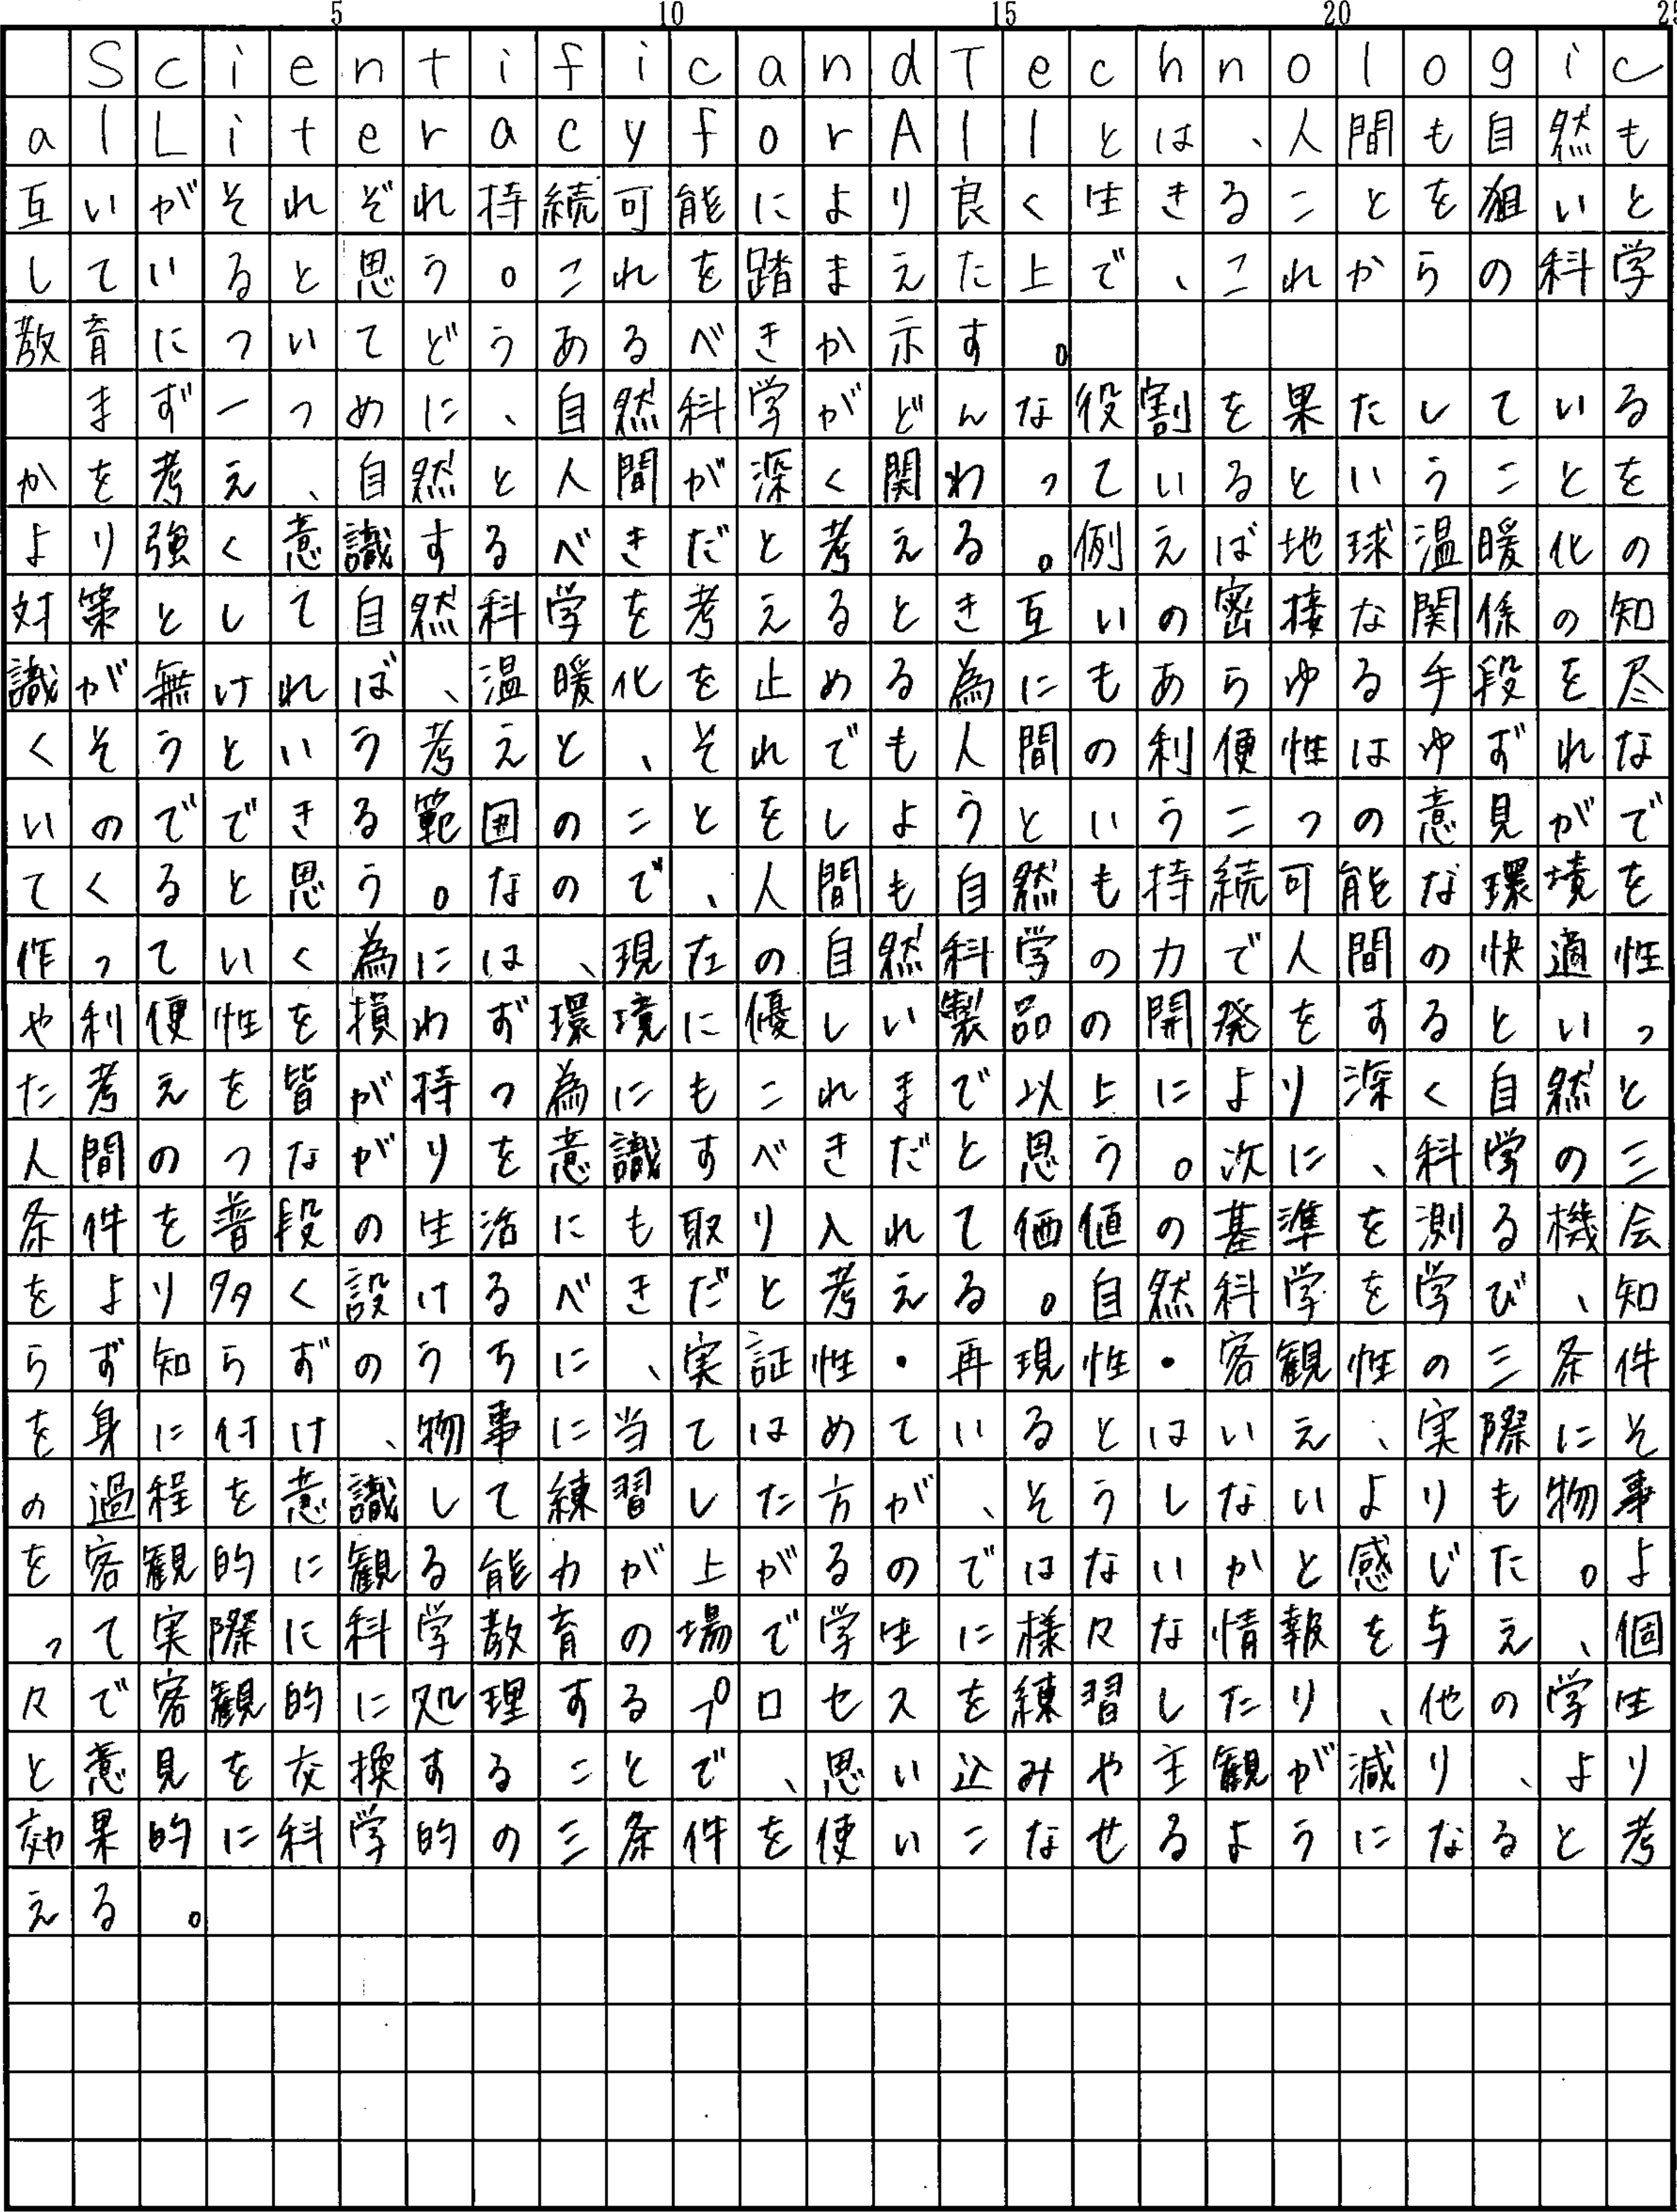　ＳｃｉｅｎｔｉｆｉｃａｎｄＴｅｃｈｎｏｌｏｇｉｃａｌＬｉｔｅｒａｃｙｆｏｒＡｌｌとは、人間も自然も互いがそれぞれ持続可能により良く生きることを狙いとしていると思う。これを踏まえた上で、これからの科学教育についてどうあるべきか示す。
　まず一つめに、自然科学がどんな役割を果たしているかを考え、自然と人間が深く関わっているということをより強く意識するべきだと考える。例えば地球温暖化の対策として自然科学を考えるとき互いの密接な関係の知識が無ければ、温暖化を止める為にもあらゆる手段を尽くそうという考えと、それでも人間の利便性はゆずれないのでできる範囲のことをしようという二つの意見がでてくると思う。なので、人間も自然も持続可能な環境を作っていく為には、現在の自然科学の力で人間の快適性や利便性を損わず環境に優しい製品の開発をするといった考えを皆が持つ為にもこれまで以上により深く自然と人間のつながりを意識すべきだと思う。次に、科学の三条件を普段の生活にも取り入れて価値の基準を測る機会をより多く設けるべきだと考える。自然科学を学び、知らず知らずのうちに、実証性・再現性・客観性の三条件を身に付け、物事に当てはめているとはいえ、実際にその過程を意識して練習した方が、そうしないよりも物事を客観的に観る能力が上がるのではないかと感じた。よって実際に科学教育の場で学生に様々な情報を与え、個々で客観的に処理するプロセスを練習したり、他の学生と意見を交換することで、思い込みや主観が減り、より効果的に科学的の三条件を使いこなせるようになると考える。
